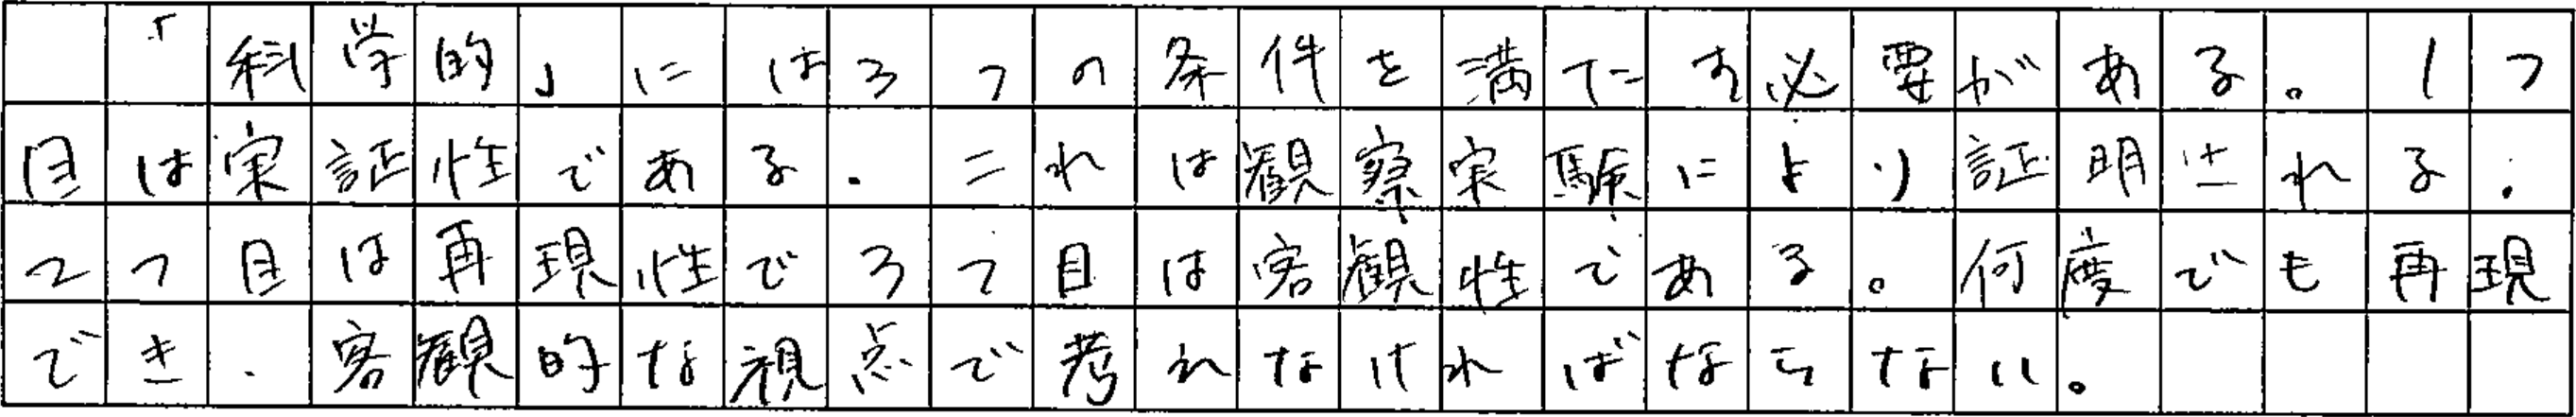　「科学的」には３つの条件を満たす必要がある。１つ目は実証性である。これは観察実験により証明される。２つ目は再現性で３つ目は客観性である。何度でも再現でき、客観的な視点で考えなければならない。
